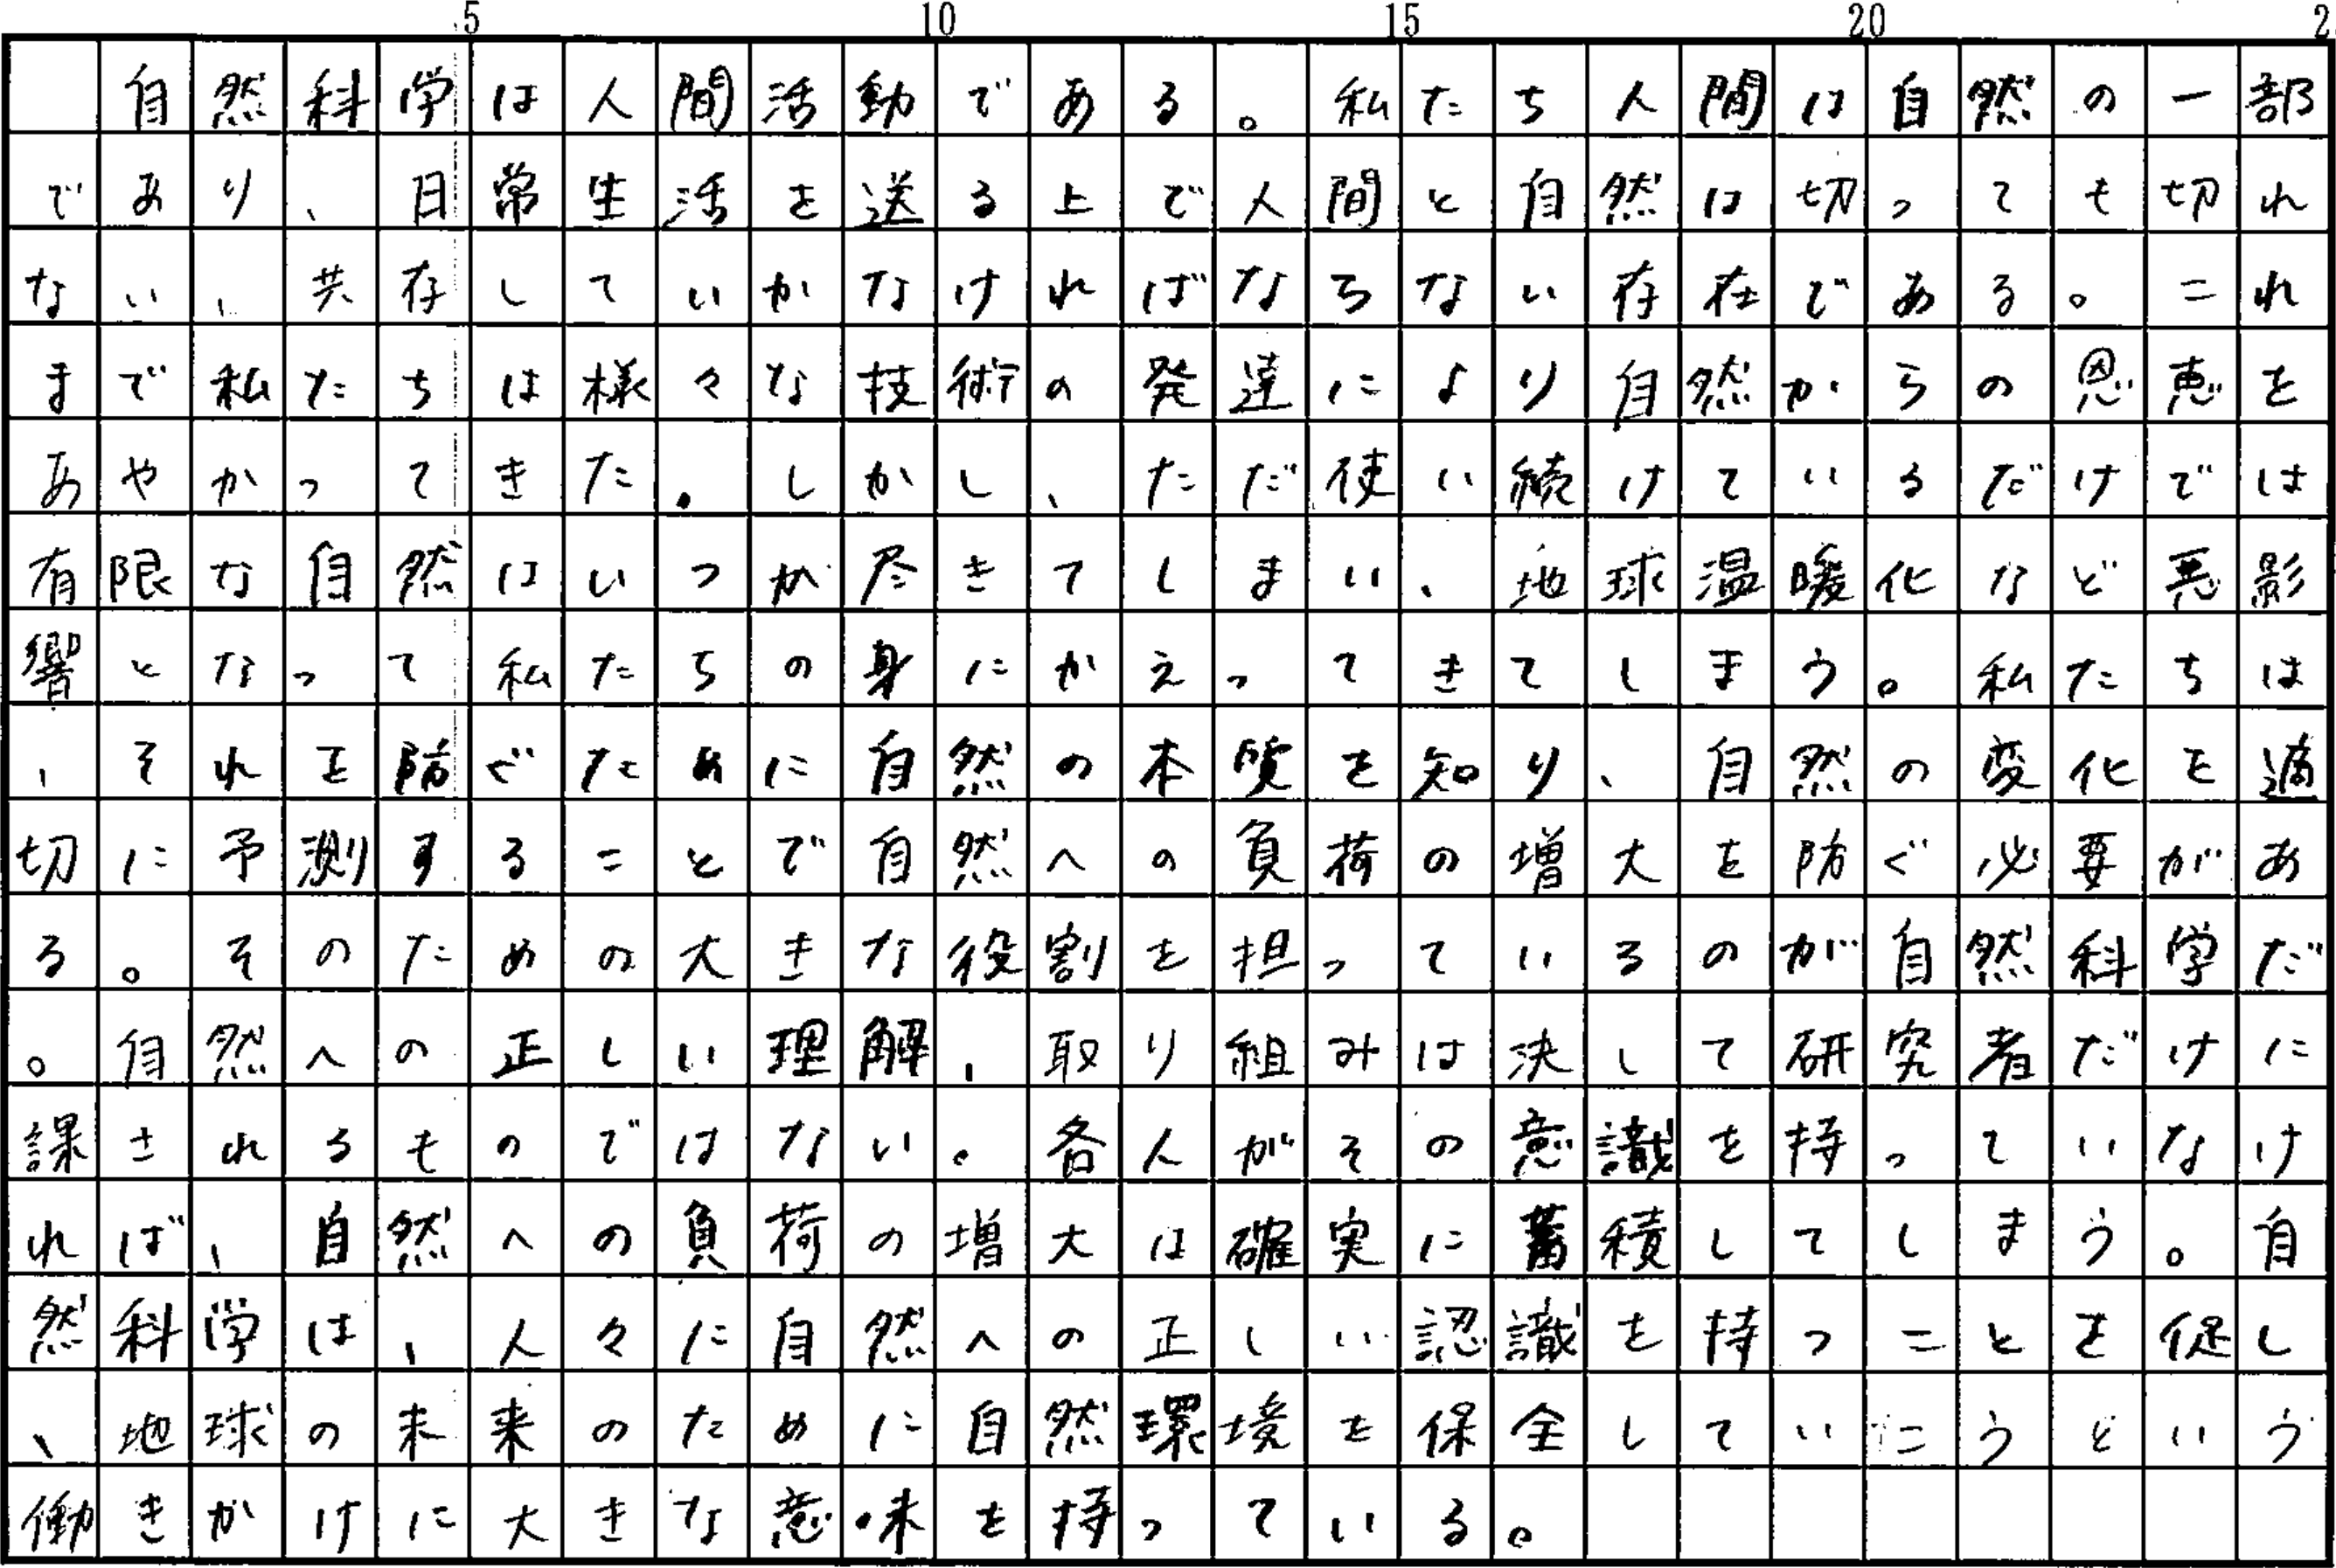　自然科学は人間活動である。私たち人間は自然の一部であり、日常生活を送る上で人間と自然は切っても切れない、共存していかなければならない存在である。これまで私たちは様々な技術の発達により自然からの恩恵をあやかってきた。しかし、ただ使い続けているだけでは有限な自然はいつか尽きてしまい、地球温暖化など悪影響となって私たちの身にかえってきてしまう。私たちは、それを防ぐために自然の本質を知り、自然の変化を適切に予測することで自然への負荷の増大を防ぐ必要がある。そのための大きな役割を担っているのが自然科学だ。自然への正しい理解、取り組みは決して研究者だけに課されるものではない。各人がその意識を持っていなければ、自然への負荷の増大は確実に蓄積してしまう。自然科学は、人々に自然への正しい認識を持つことを促し、地球の未来のために自然環境を保全していこうという働きかけに大きな意味を持っている。
